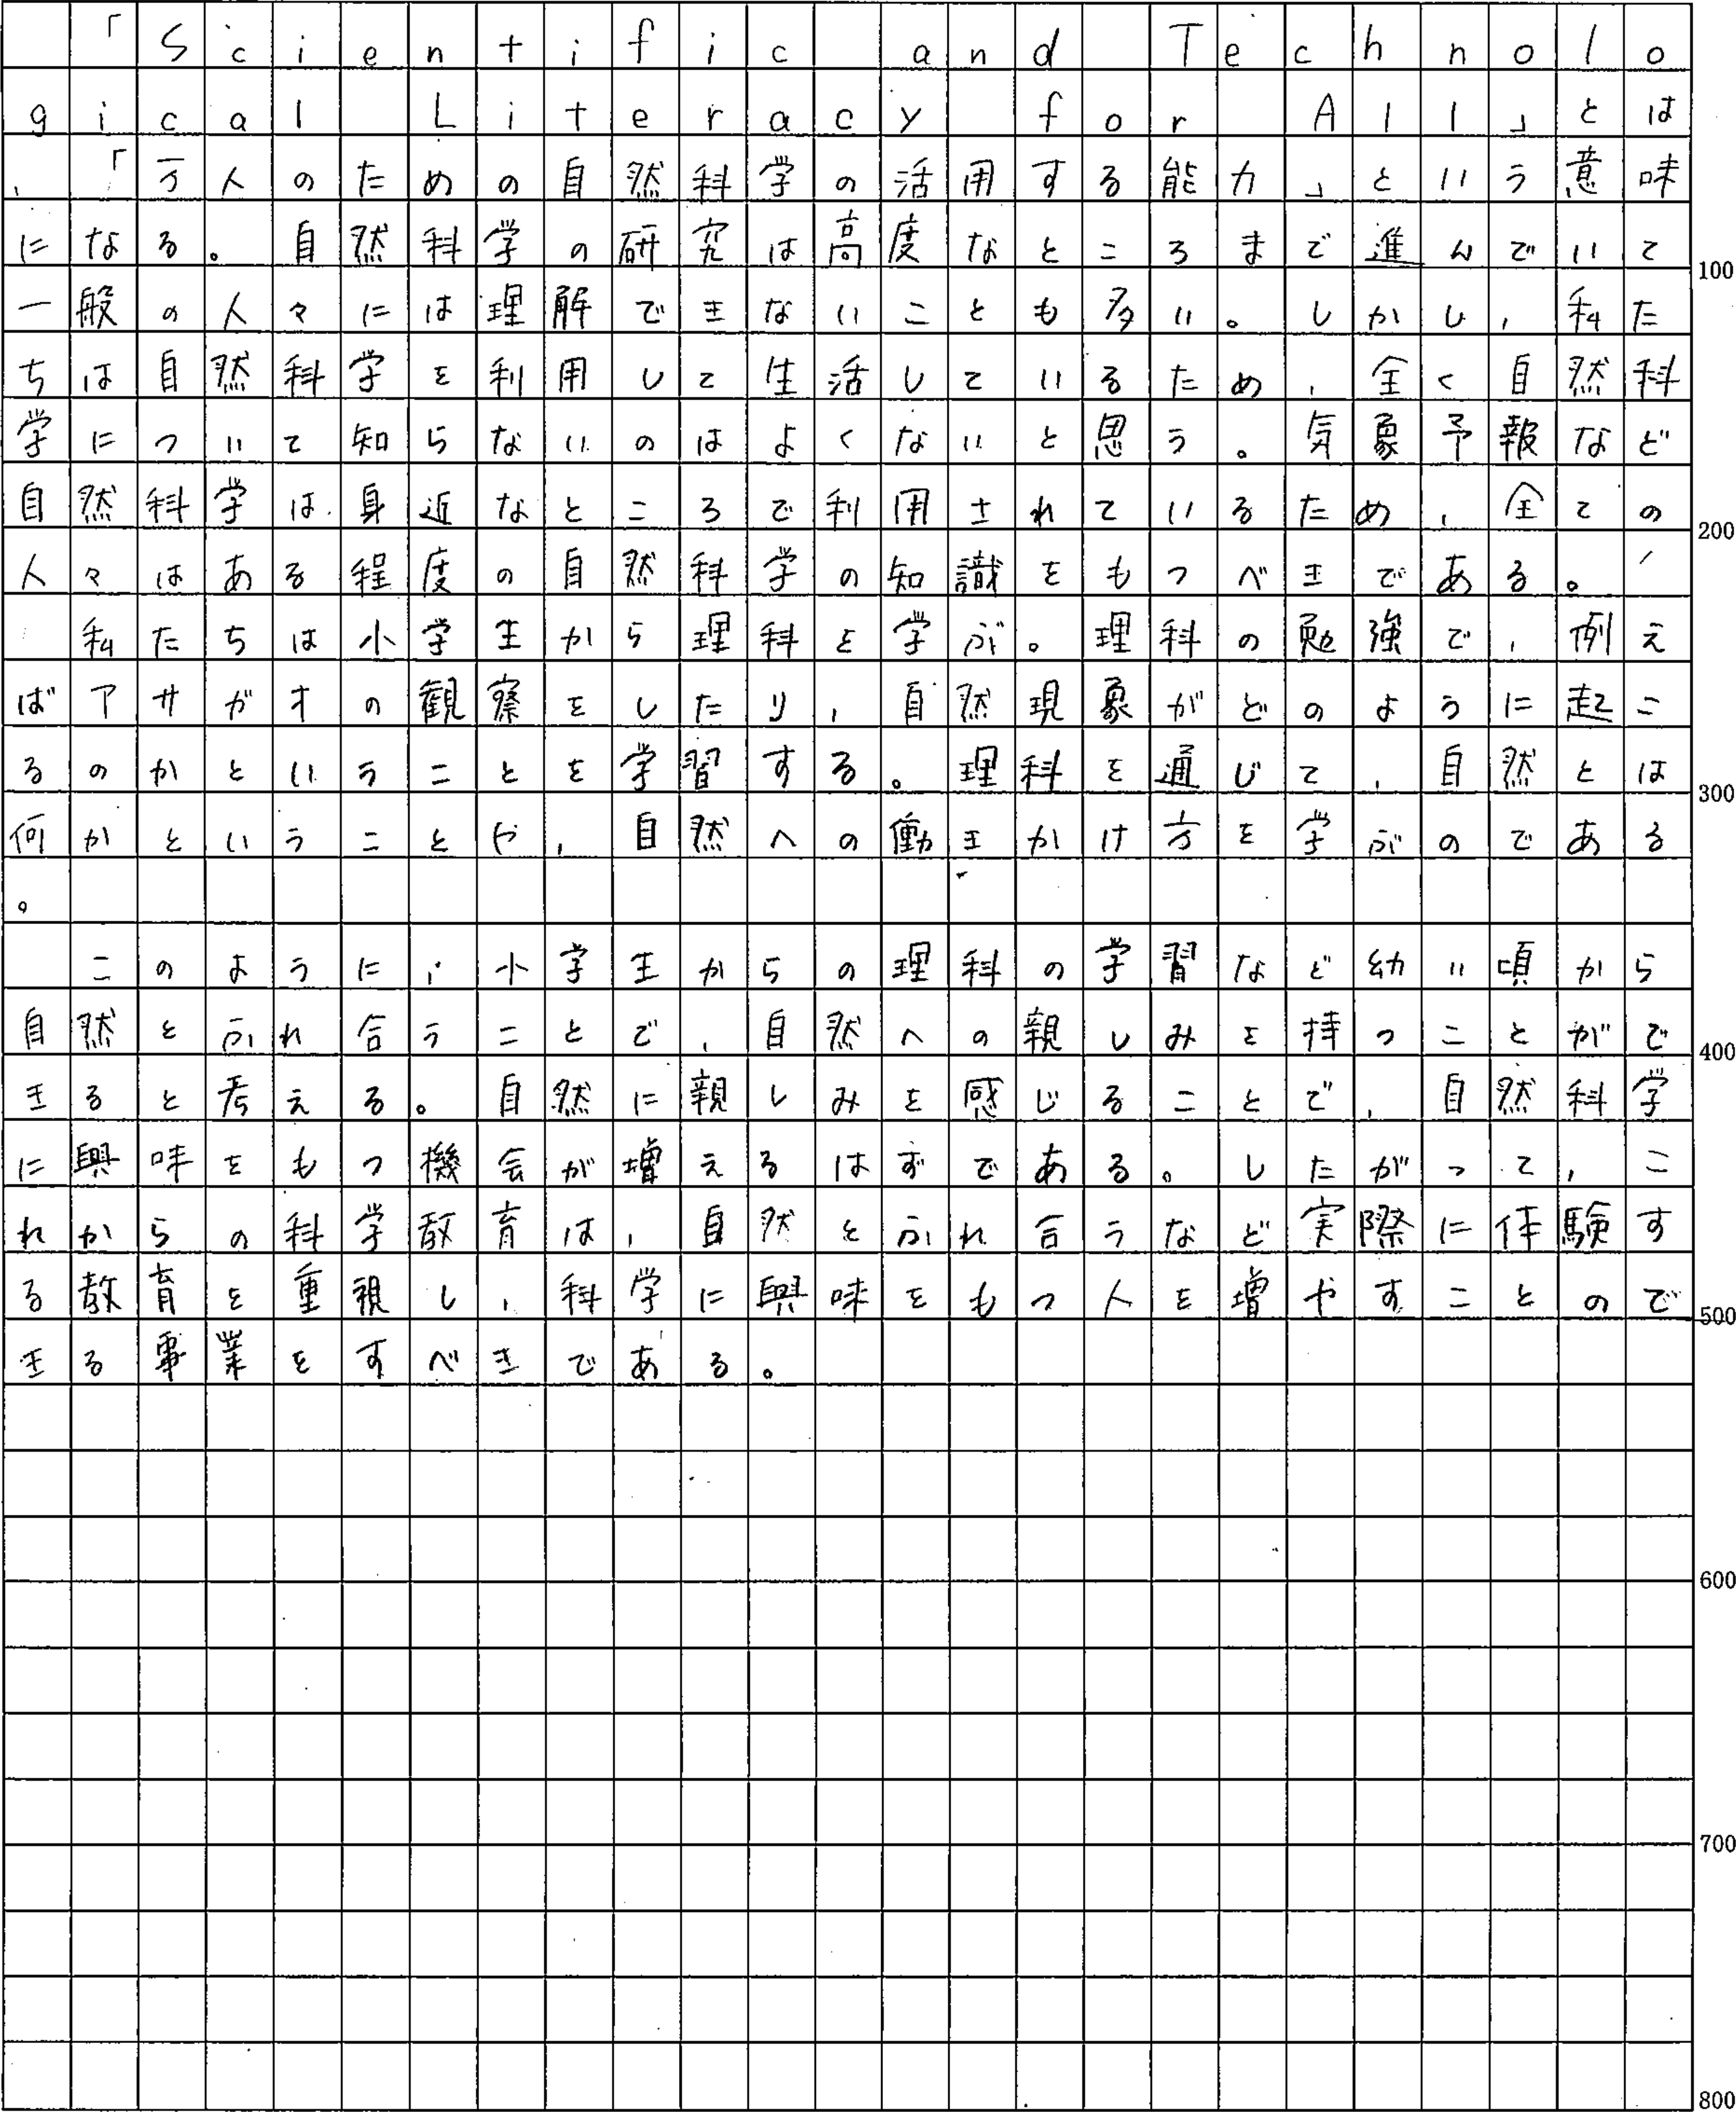　「Ｓｃｉｅｎｔｉｆｉｃ　ａｎｄ　Ｔｅｃｈｎｏｌｏｇｉｃａｌ　Ｌｉｔｅｒａｃｙ　ｆｏｒ　Ａｌｌ」とは、「万人のための自然科学の活用する能力」という意味になる。自然科学の研究は高度なところまで進んでいて一般の人々には理解できないことも多い。しかし、私たちは自然科学を利用して生活しているため、全く自然科学について知らないのはよくないと思う。気象予報など自然科学は身近なところで利用されているため、全ての人々はある程度の自然科学の知識をもつべきである。
　私たちは小学生から理科を学ぶ。理科の勉強で、例えばアサガオの観察をしたり、自然現象がどのように起こるのかということを学習する。理科を通じて、自然とは何かということや、自然への働きかけ方を学ぶのである。
　このように、小学生からの理科の学習など幼い頃から自然とふれ合うことで、自然への親しみを持つことができると考える。自然に親しみを感じることで、自然科学に興味をもつ機会が増えるはずである。したがって、これからの科学教育は、自然とふれ合うなど実際に体験する教育を重視し、科学に興味をもつ人を増やすことのできる事業をすべきである。
